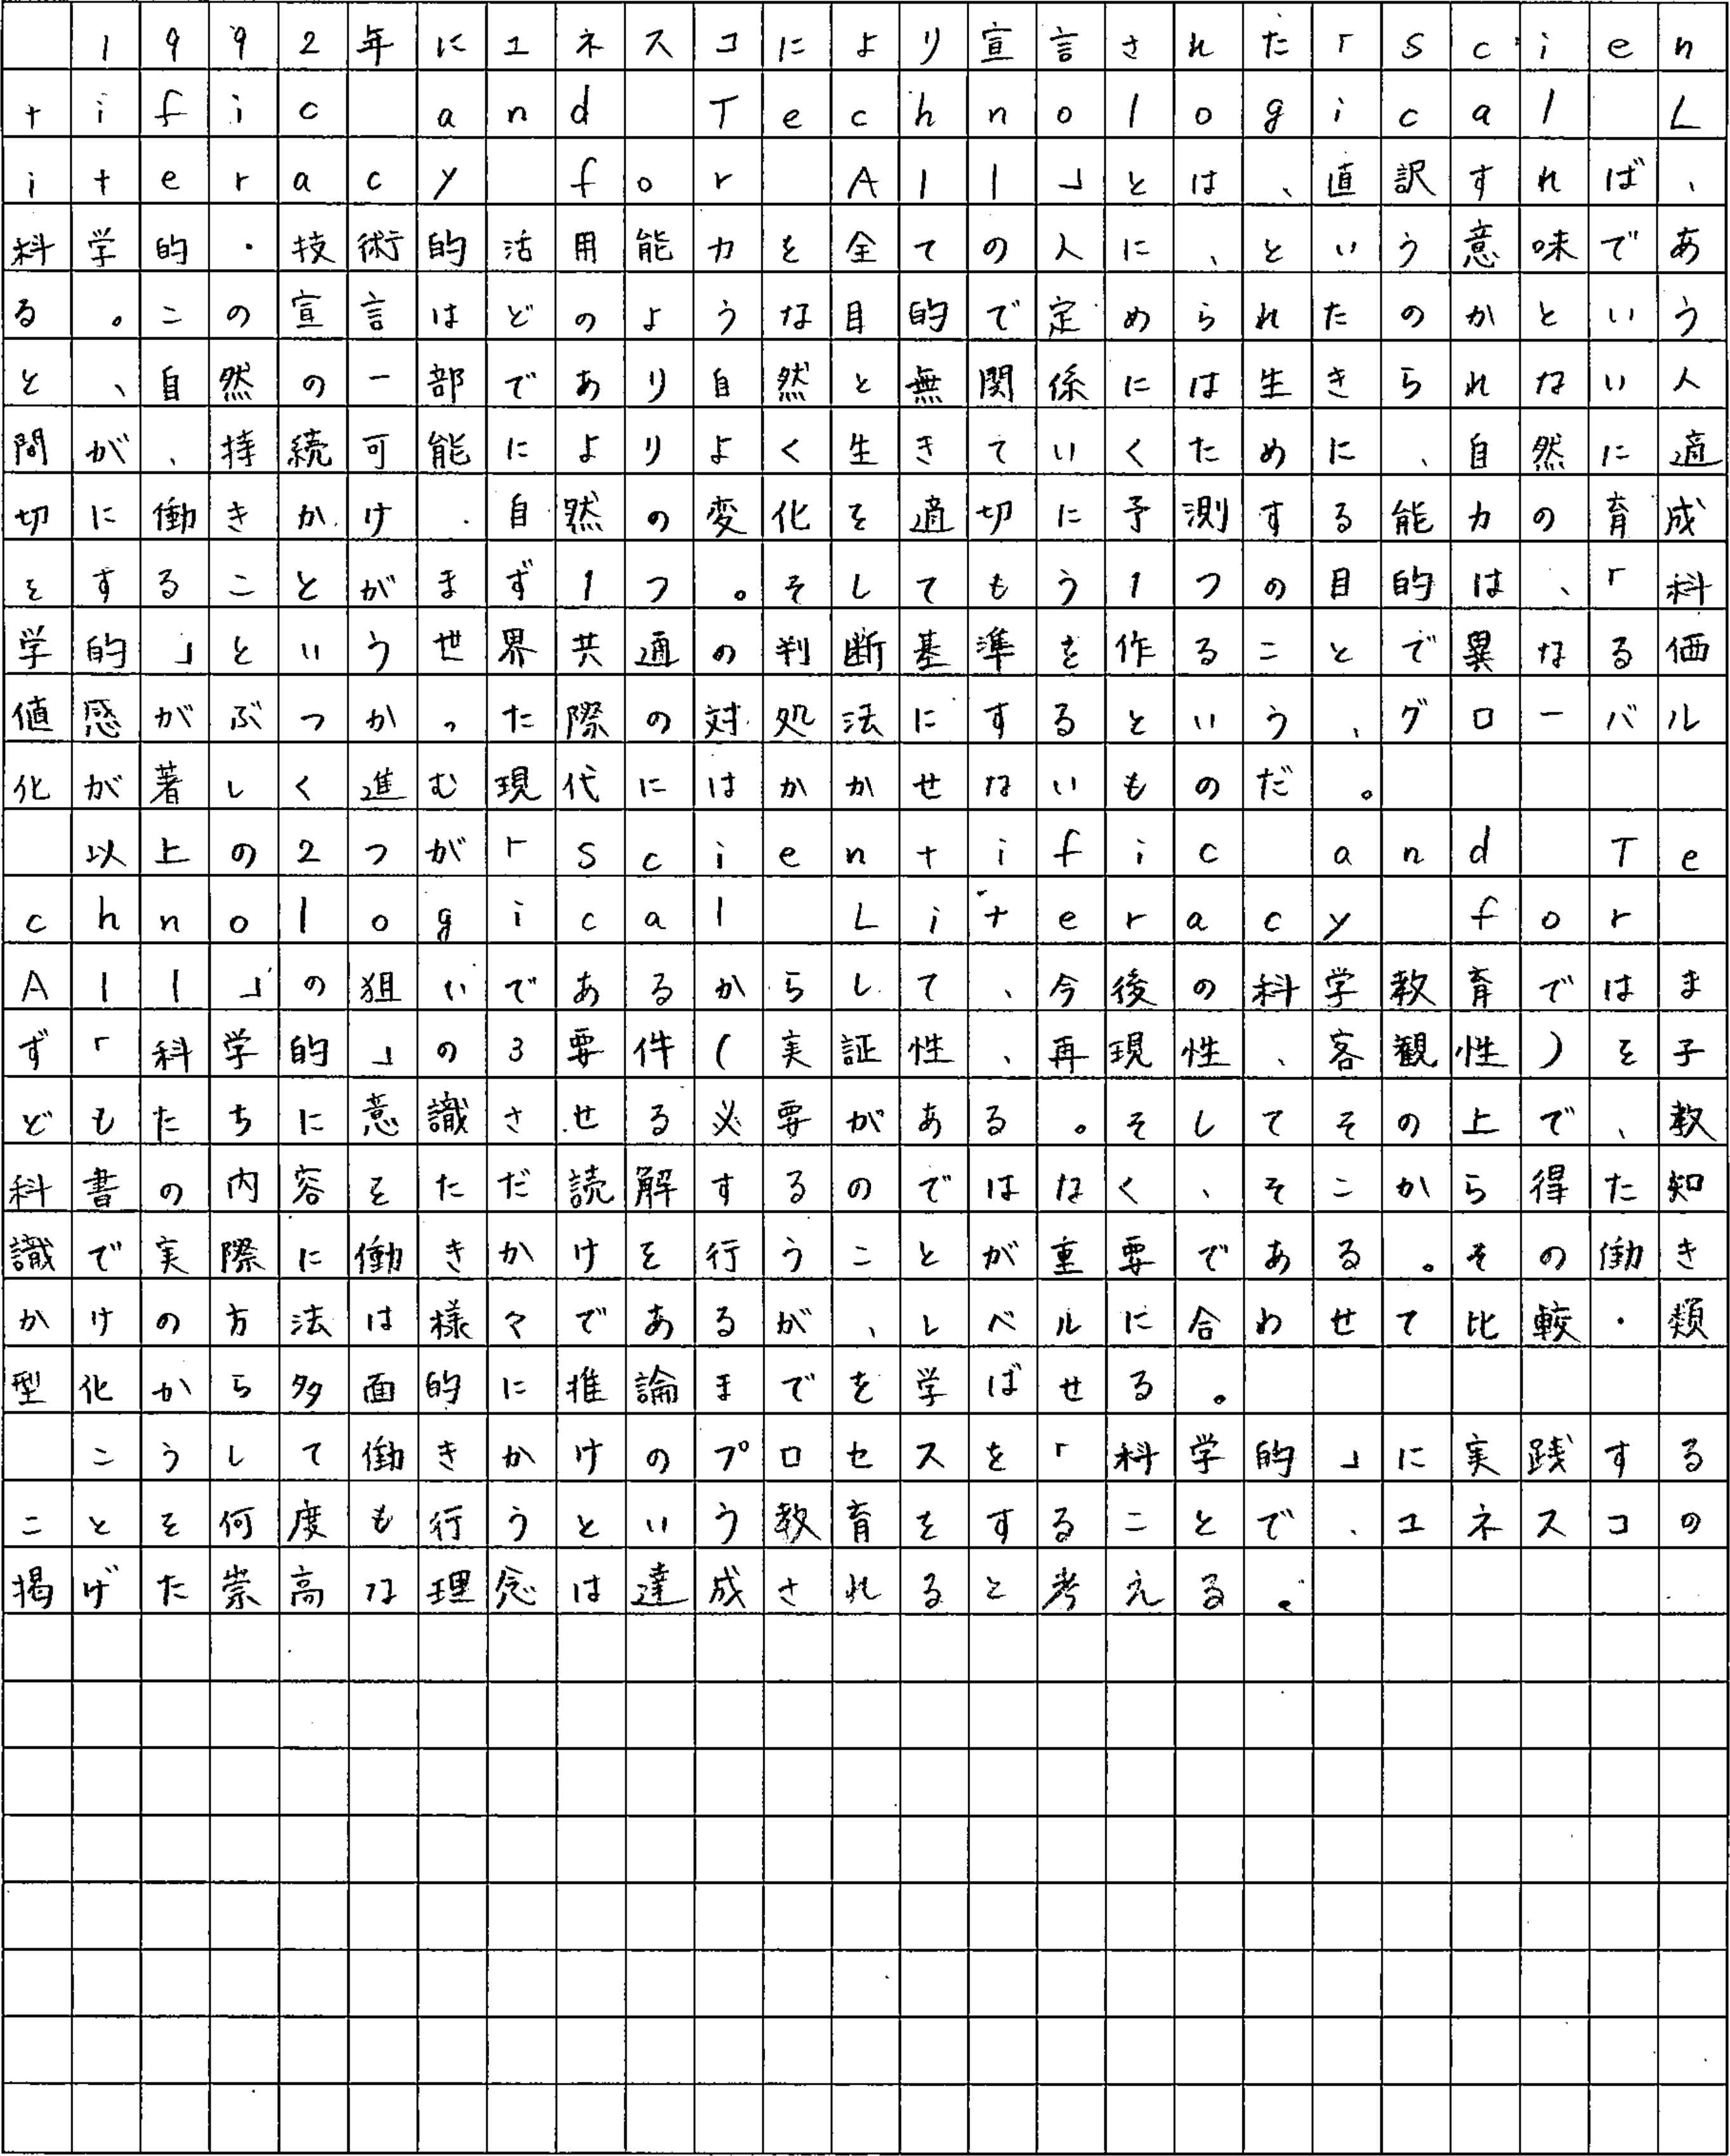　１９９２年にユネスコにより宣言された「Ｓｃｉｅｎｔｉｆｉｃ　ａｎｄ　Ｔｅｃｈｎｏｌｏｇｉｃａｌ　Ｌｉｔｅｒａｃｙ　ｆｏｒ　Ａｌｌ」とは、直訳すれば、科学的・技術的活用能力を全ての人に、という意味である。この宣言はどのような目的で定められたのかというと、自然の一部であり自然と無関係には生きられない人間が、持続可能によりよく生きていくために、自然に適切に働きかけ、自然の変化を適切に予測する能力の育成をすることがまず1つ。そしてもう１つの目的は、「科学的」という世界共通の判断基準を作ることで異なる価値感がぶつかった際の対処法にするという、グローバル化が著しく進む現代にはかかせないものだ。
　以上の２つが「Ｓｃｉｅｎｔｉｆｉｃ　ａｎｄ　Ｔｅｃｈｎｏｌｏｇｉｃａｌ　Ｌｉｔｅｒａｃｙ　ｆｏｒ　Ａｌｌ」の狙いであるからして、今後の科学教育ではまず「科学的」の３要件（実証性、再現性、客観性）を子どもたちに意識させる必要がある。そしてその上で、教科書の内容をただ読解するのではなく、そこから得た知識で実際に働きかけを行うことが重要である。その働きかけの方法は様々であるが、レベルに合わせて比較・類型化から多面的に推論までを学ばせる。
　こうして働きかけのプロセスを「科学的」に実践することを何度も行うという教育をすることで、ユネスコの掲げた崇高な理念は達成されると考えられる。
